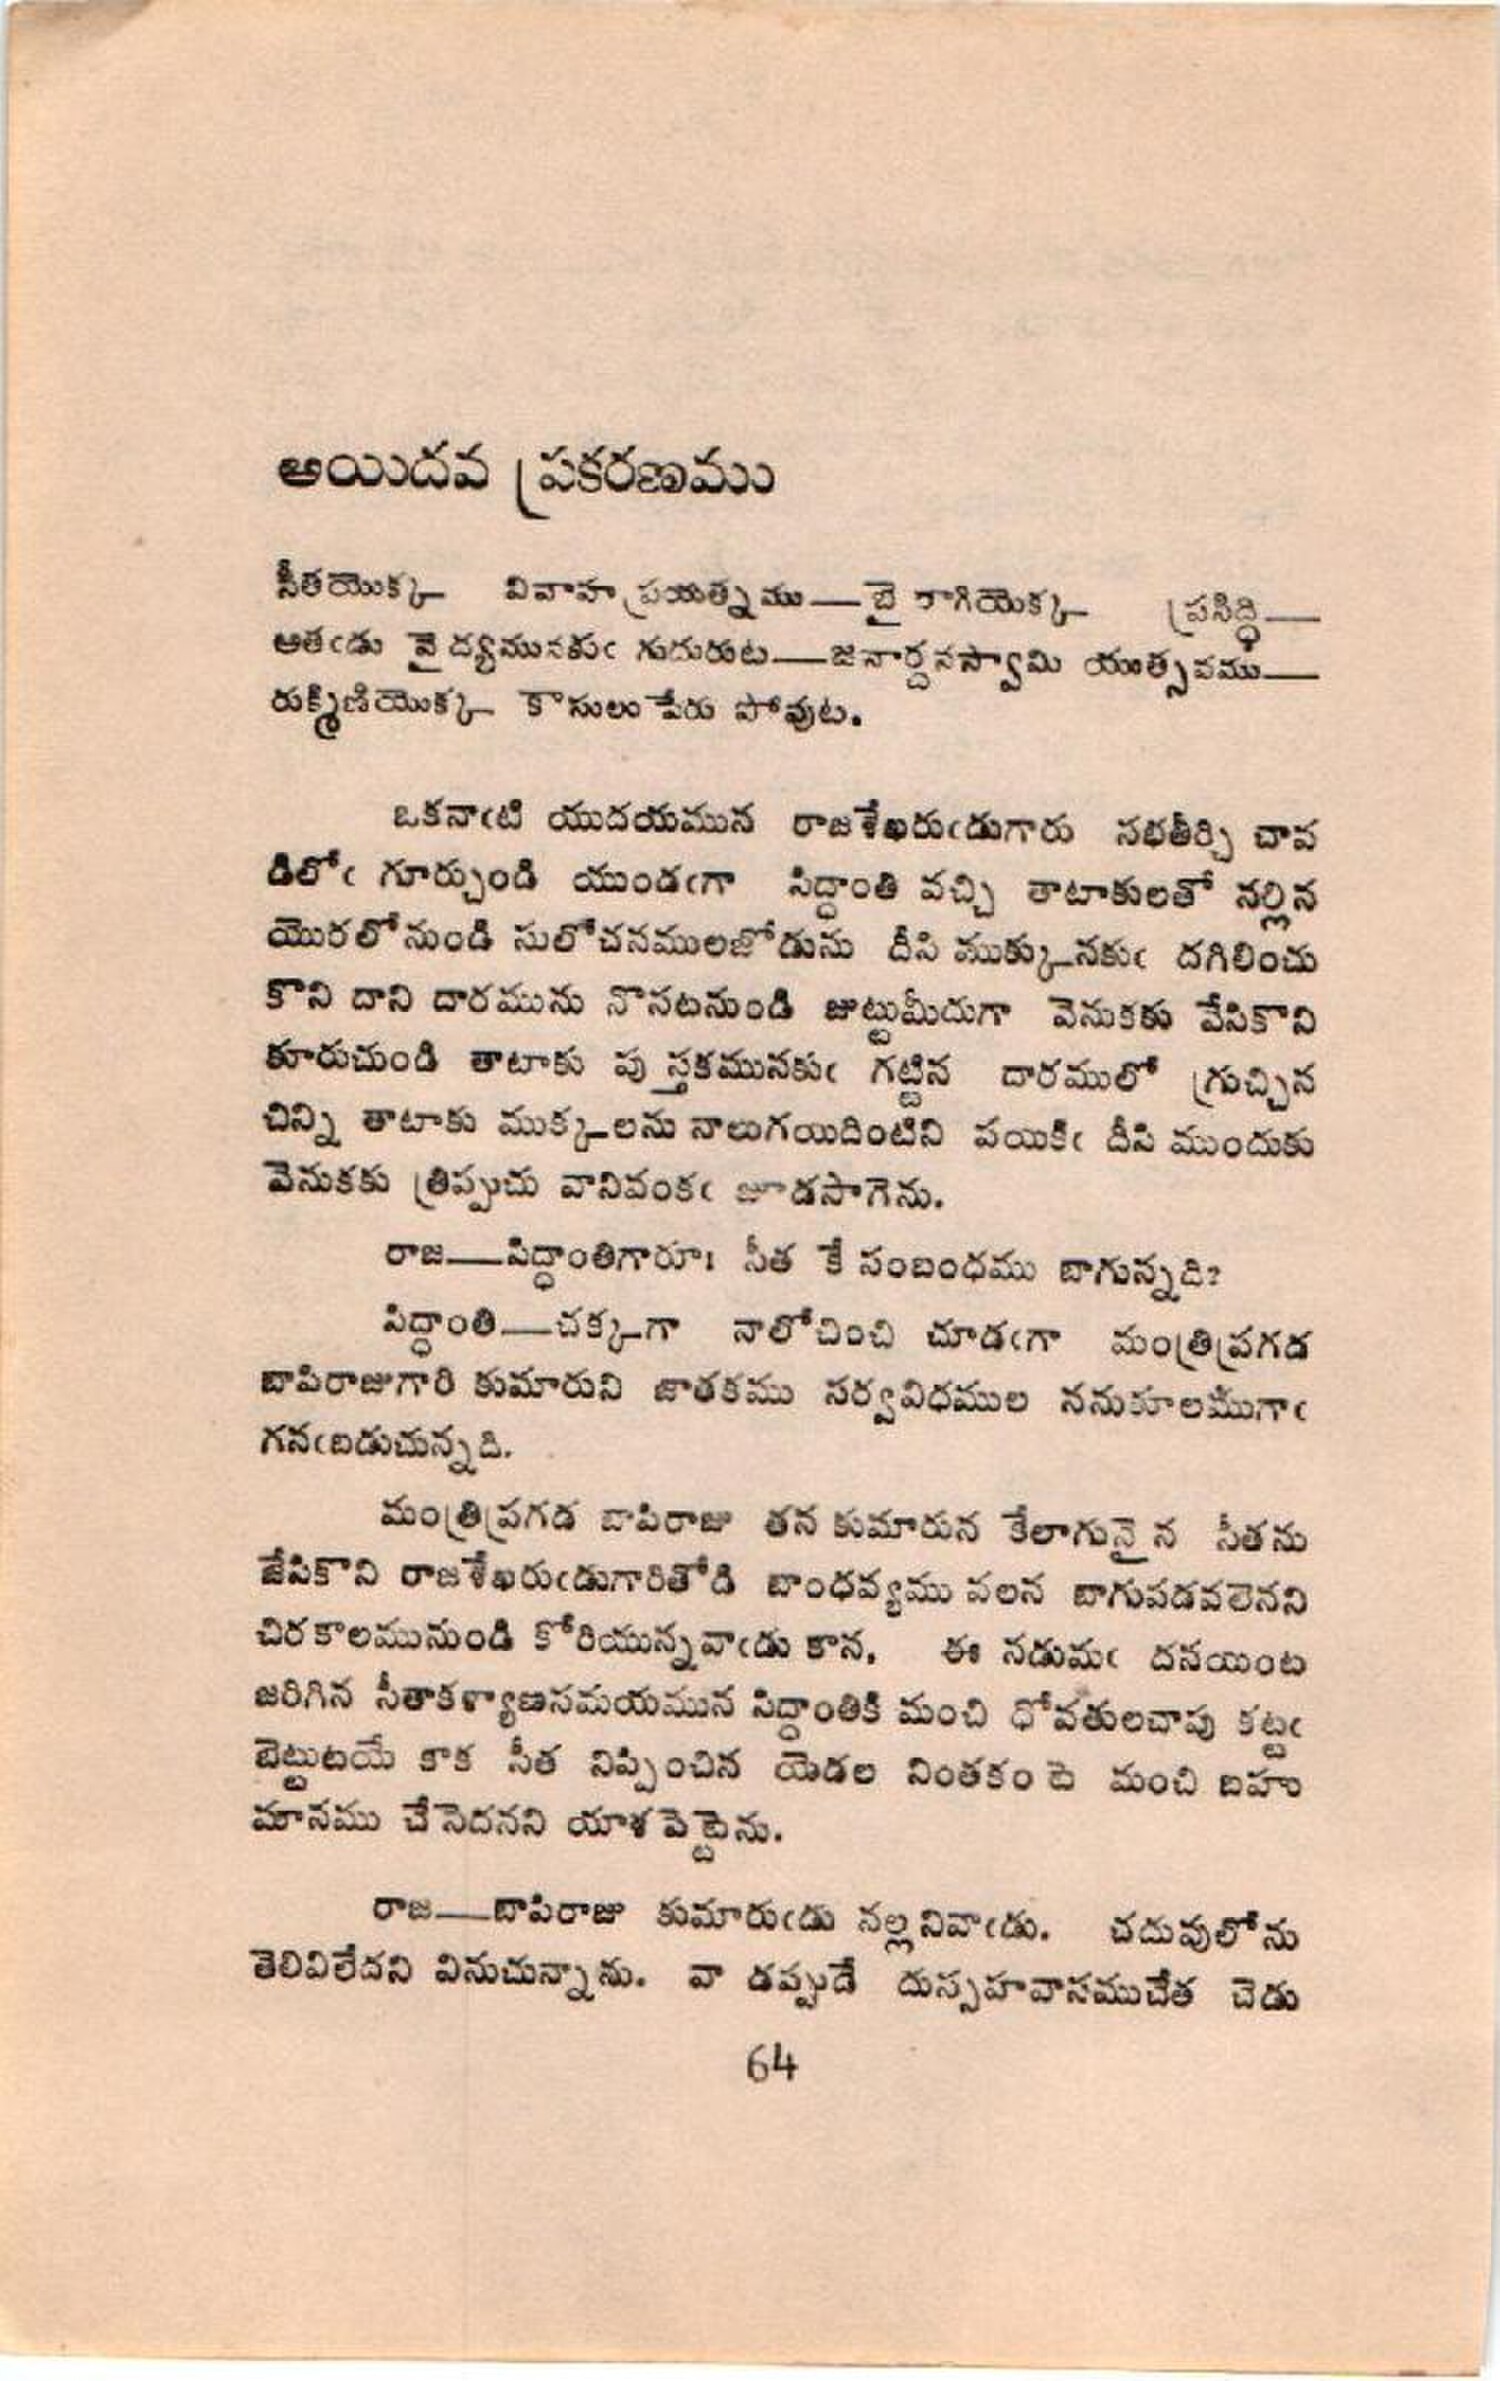అయిదవ ప్రకరణము

ఒకనాఁటి యదయమున రాజశేఖరుఁడుగారు సభతీర్చి చావడిలో గూర్చుండి యుండఁగా సిద్ధాంతి వచ్చి తాటాకులతో నల్లిన యొరలో నుండి సులోచనములజోడును దీసి ముక్కునకుఁ దగిలించు కొని దాని దారమును నొసటనుండి జట్టుమీదుగా వెనుకకు వేసికొని కూరుచుండి తాటాకు పుస్తకమునకుఁ గట్టిన దారములో గ్రుచ్చిన చిన్ని తాటాకు ముక్కలను నాలుగయిదింటిని పయికిఁ దీసి ముందుకు వెనుకకు త్రిప్పుచు వానివంకఁ జూడసాగెను.

రాజ__సిద్ధాంతిగారూ! సీతకే సంబంధం బాగున్నది?

సిద్ధాంతి__చక్కగా నాలోచించి చూడఁగా మంత్రిప్రగడ బాపిరాజుగారి కుమారుని జాతకము సర్వవిధముల ననుకూలముగా గనఁబడుచున్నది.

మంత్రిప్రగడ బాపిరాజు తన కుమారున కేలాగునైన సీతను జేసికొని రాజశేఖరుడుగారితోడి బాంధవ్యము వలన బాగుపడవలెనని చిరకాలమునుండి కోరియున్నవాఁడు కాన, ఈ నడుమఁ దనయింట జరిగిన సీతాకళ్యాణసమయమున సిద్ధాంతికి మంచి ధోవతులచాపు కట్ట బెట్టటయే కాక సీత నిప్పించిన యెడల నింతకంటె మంచి బహు మానము చేసెదనని యాశపెట్టెను.

రాజ__బాపిరాజు కుమారుఁడు నల్లనివాఁడు. చదువులోను తెలివిలేదని వినుచున్నాను. వా డప్పడే దుస్సహవాసముచేత చెడు